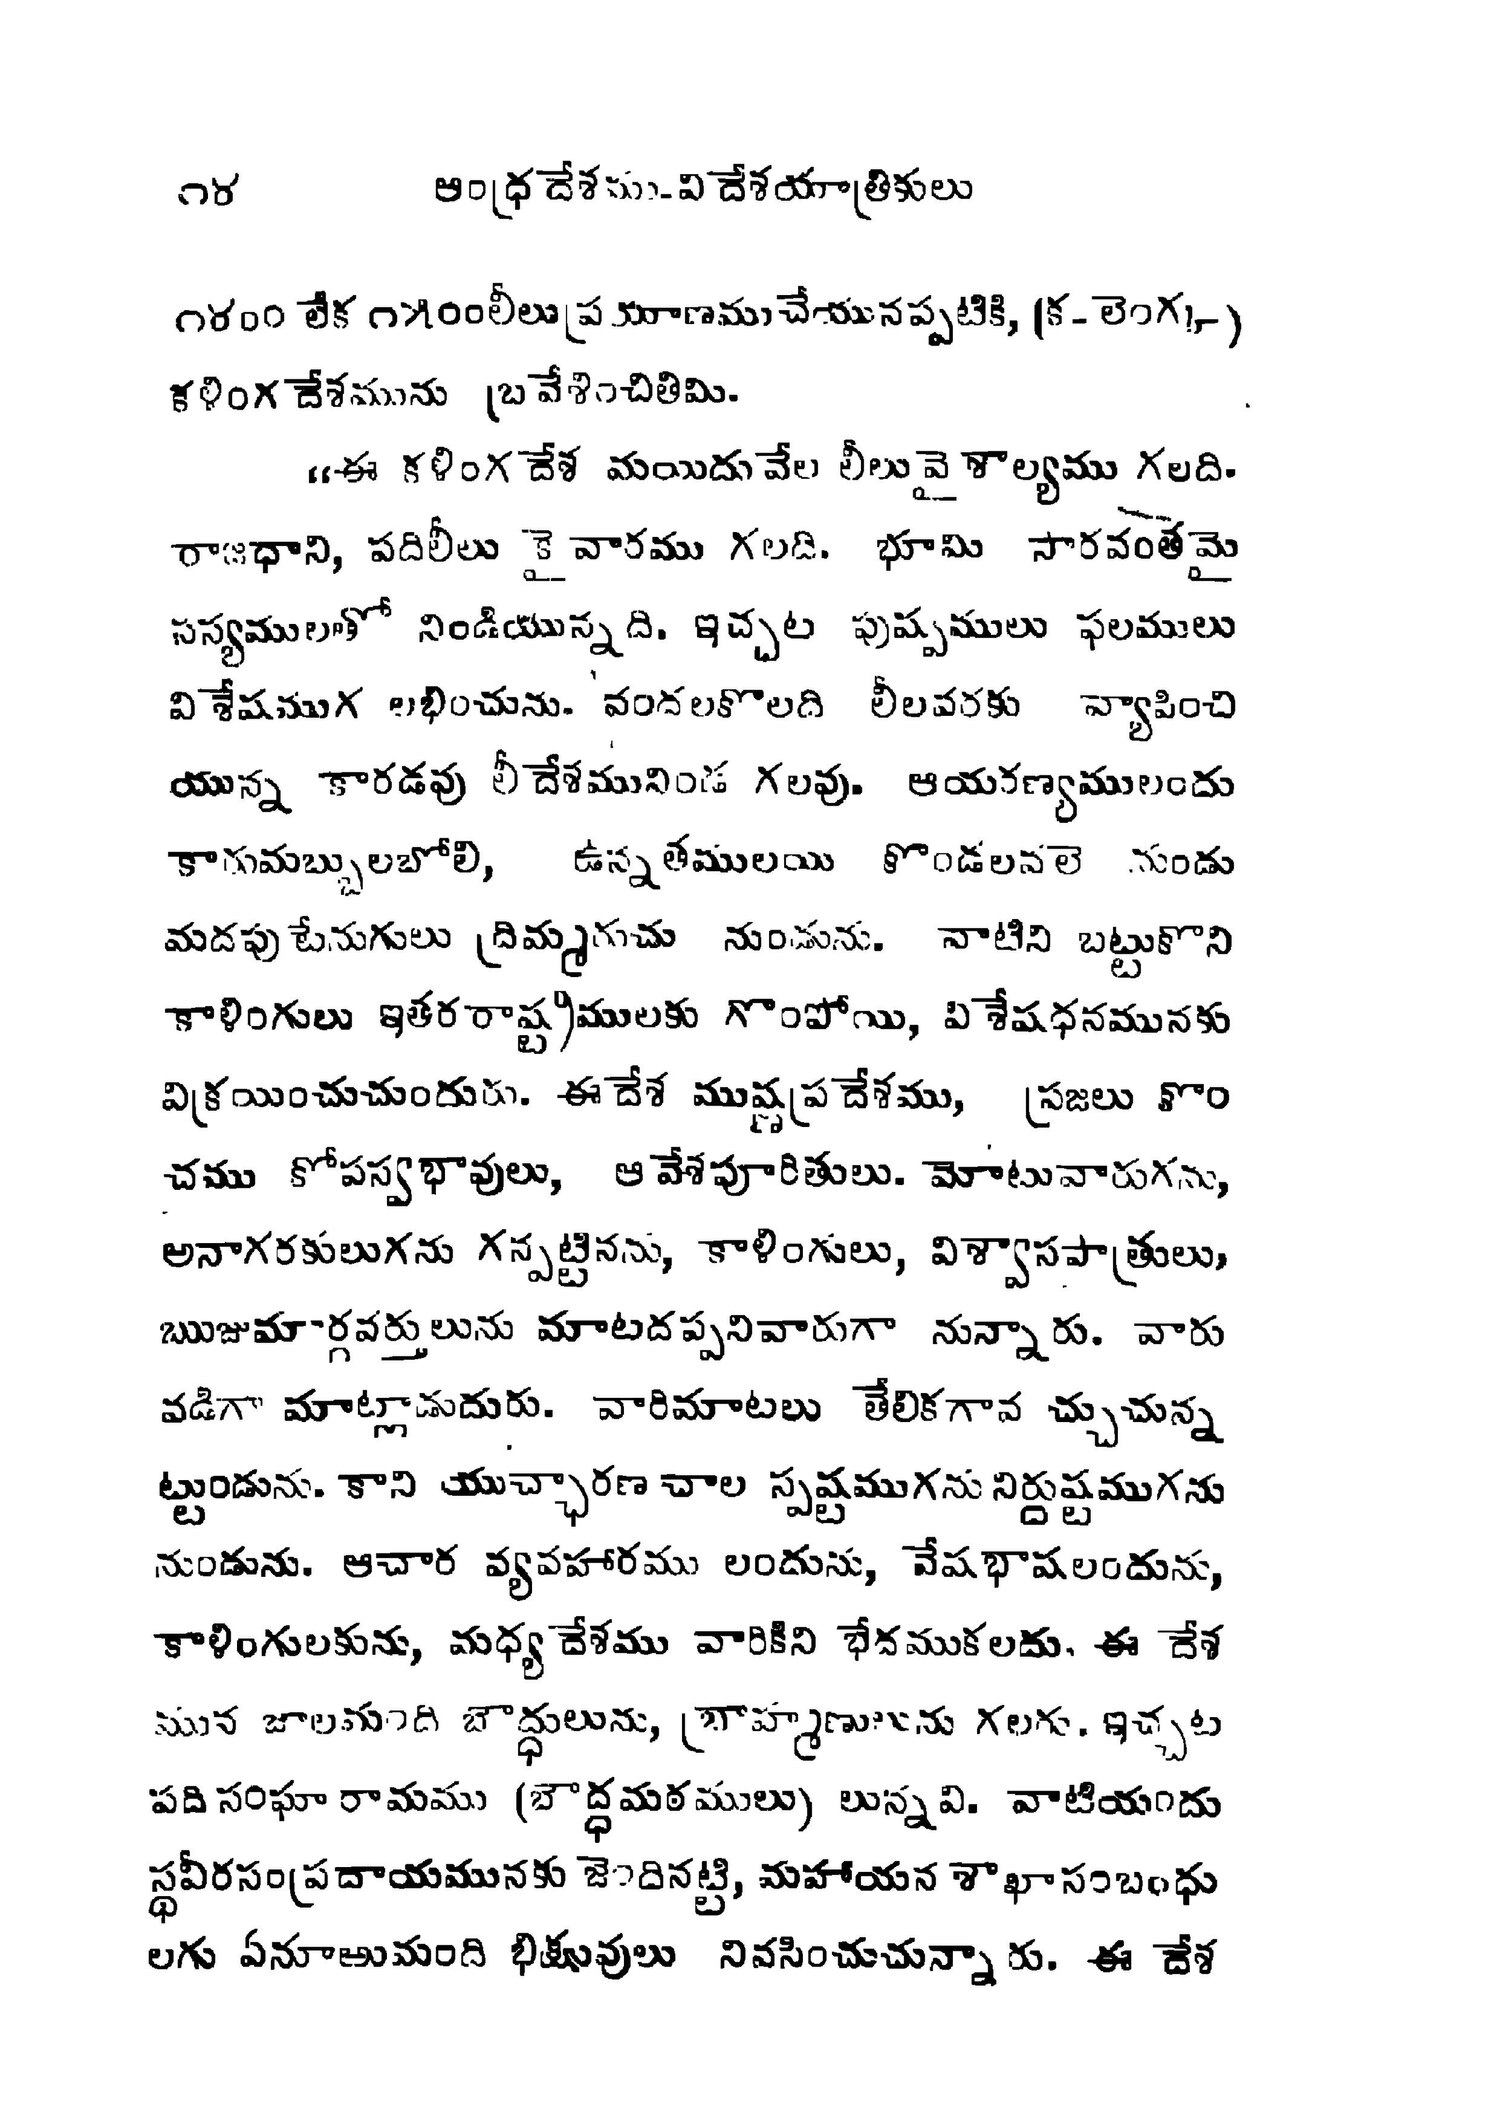౧౪౦౦ లేక ౧౫౦౦ లీలు ప్రయాణము చేయునప్పటికి, (క-లెంగ్క) కళింగదేశమును బ్రవేశించితిమి.

"ఈ కళింగదేశ మయిదువేల లీలు వైశాల్యముగలది. రాజధాని, పదిలీలు కైవారము గలది. భూమి సారవంతమై సస్యములతో నిండియున్నది. ఇచ్చట పుష్పములు ఫలములు విశేషముగ లభించును. వందలకొలది లీల వరకు వ్యాపించియున్న కారడవు లీదేశమునిండ గలవు. ఆయరణ్యములందు కారుమబ్బులబోలి, ఉన్నతములయి కొండలవలె నుండు మదపుటేనుగులు ద్రిమ్మరుచు నుండును. వాటిని బట్టుకొని కాళింగులు ఇతర రాష్ట్రములకు గొపోయి, విశేషధనమునకు విక్రయించుచుందురు. ఈదేశ ముష్ణప్రదేశము, ప్రజలు కొంచెము కోపస్వభావులు, ఆవేశపూరితులు. మోటువారుగను, అనాగరికులుగను గంపట్టినను, కాళింగులు, విశ్వాసపాత్రులు, ఋజుమార్గ వర్తులును మాటదప్పనివారుగా నున్నారు. వారు వడిగా మాట్లాడుదురు. వారిమాటలు తేలికగా వచ్చుచున్న ట్టుండును. కాని యుచ్ఛారణ చాలస్పష్టముగను నిర్దుష్టముగను నుండును. ఆచార వ్యవహారములందును, వేషభాషలందును, కాళింగులకును, మధ్యదేశము వారికిని భేదముకలదు. ఈదేశమున జాలమంది బౌద్ధులును, బ్రాహ్మణులును గలరు. ఇచ్చట పది సంఘారామము (బౌద్ధమఠములు) లున్నవి. వాటియందు స్థవీర సంప్రదాయమునకు జెందినట్టి, మహాయానశాఖా సంబంధులగు ఏనూఱుమంది భిక్షువు లు నివసించు చున్నారు. ఈ దేశ